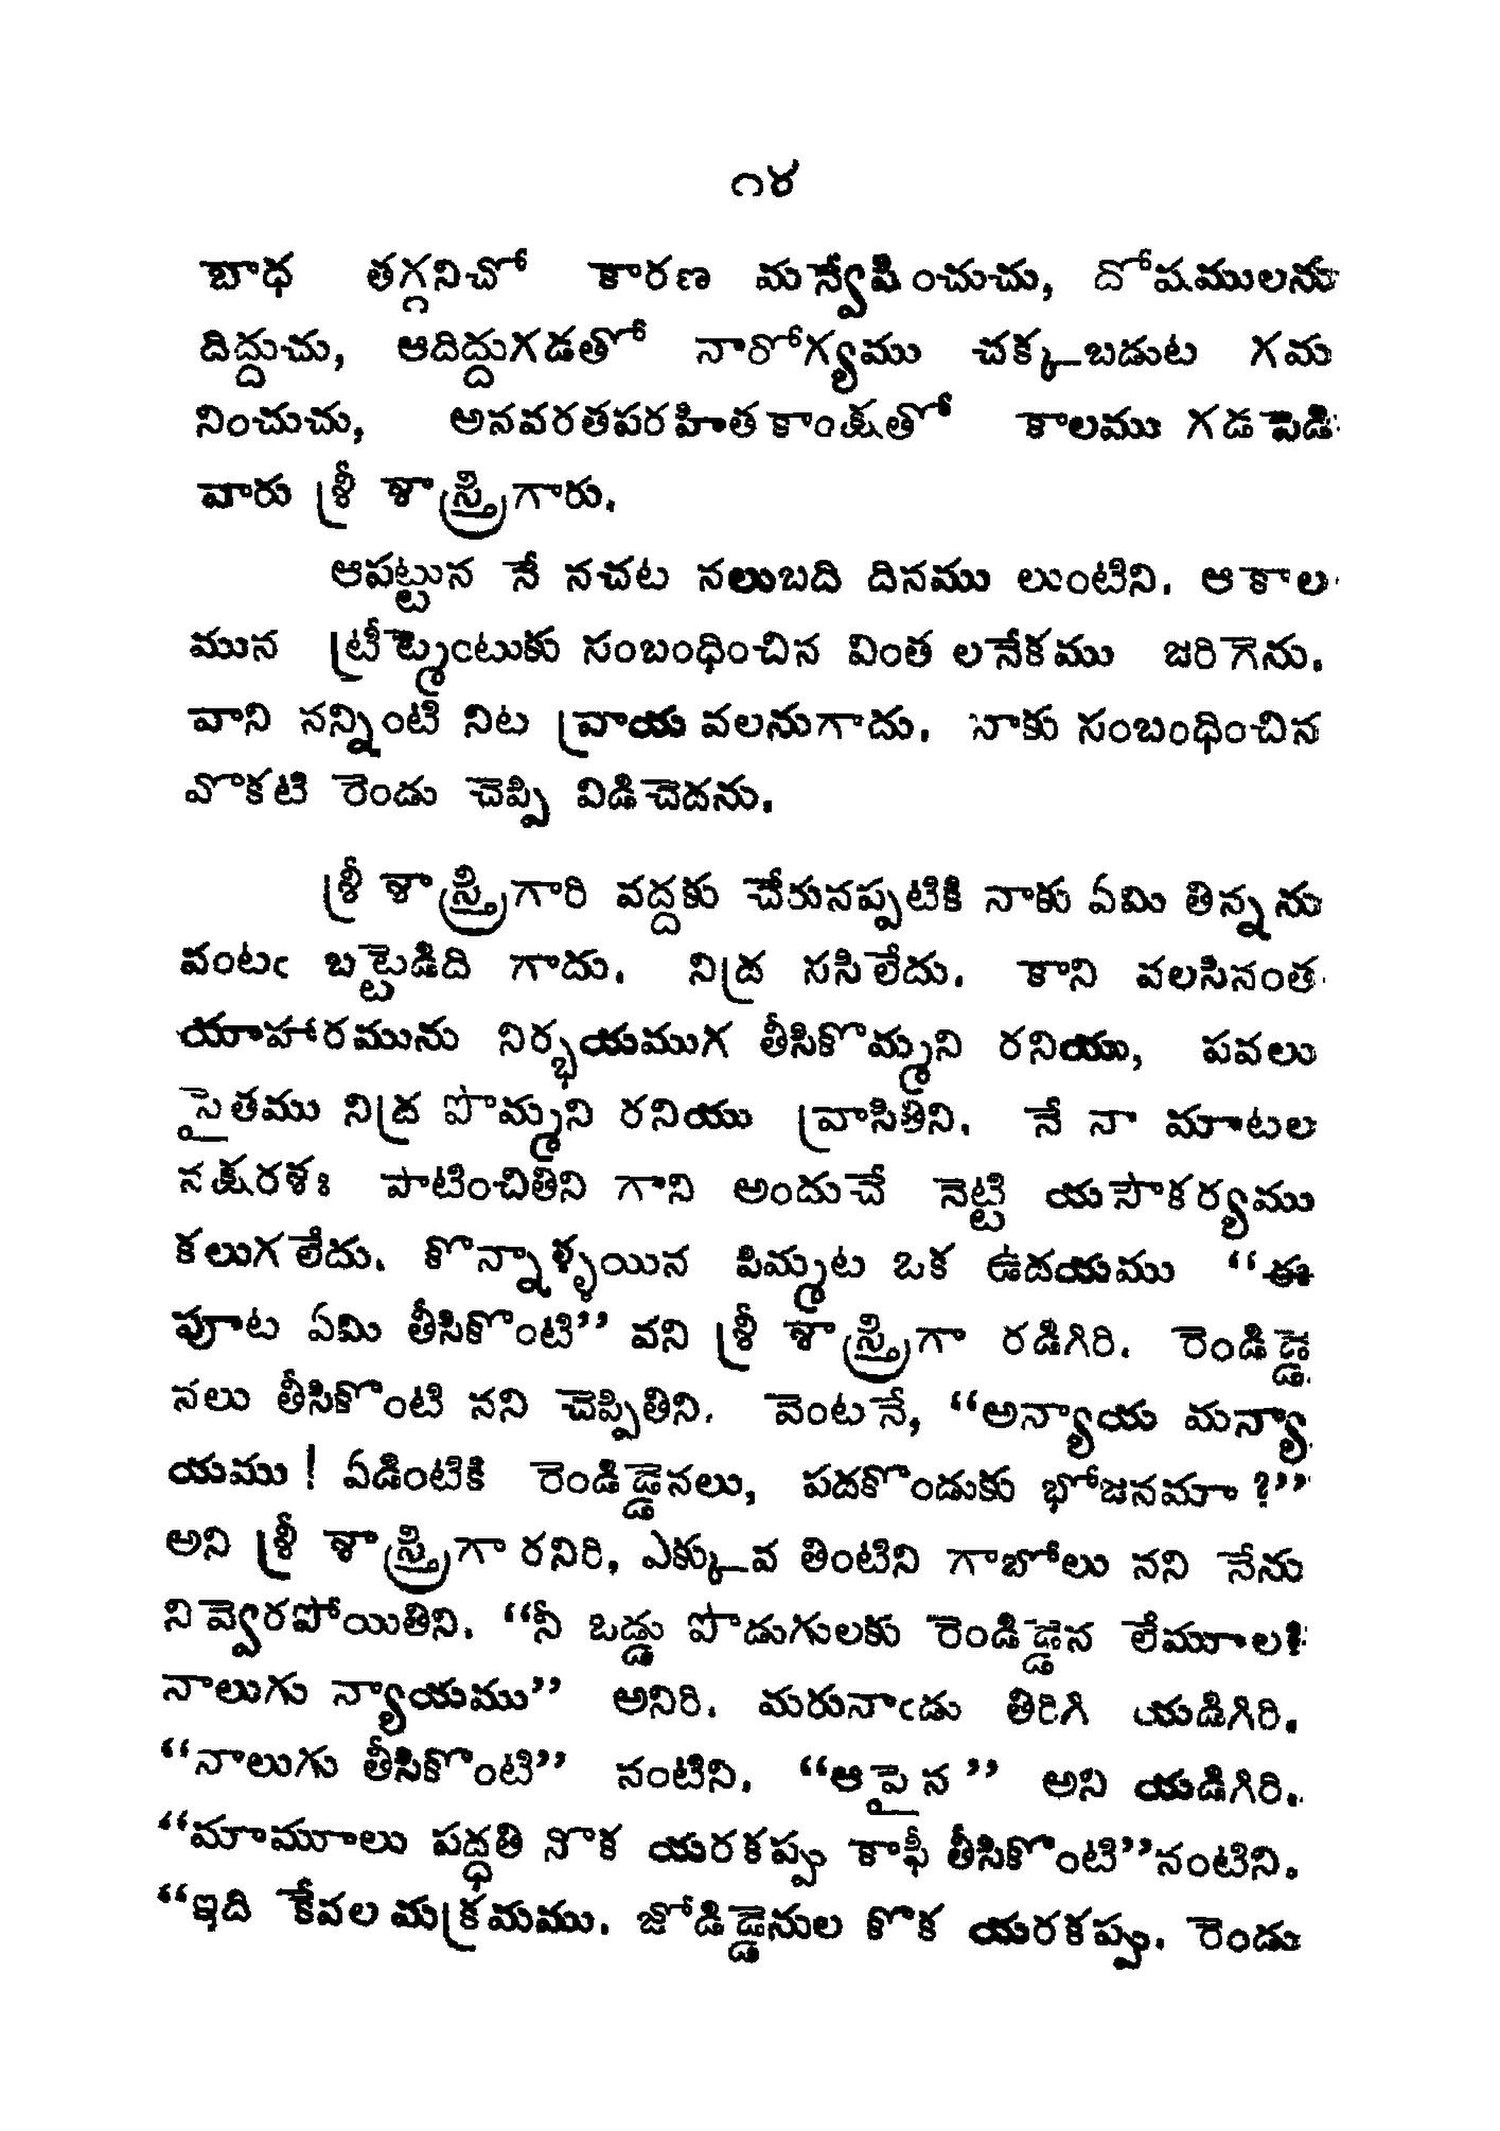బాధ తగ్గనిచో కారణ మన్వేషించుచు, దోషములను దిద్దుచు, ఆ దిద్దుగడతో నారోగ్యము చక్క బడుట గమనించుచు, అనవరపరహిత కాంక్షతో కాలము గడపెడి వారు శ్రీ శాస్త్రిగారు. 

ఆపట్టున నే నచట నలుబది దినము లుంటిని. ఆ కాలమున ట్రీట్మేంటుకు సంబం ధించిన వింత లనేకము జరిగెను. వాని నన్నింటి నిట వ్రాయ వలనుగాదు. నాకు సంబంధించిన వొకటి రెండు చెప్పి విడిచెదను.

శ్రీ శాస్త్రిగారి వద్దకు చేరునప్పటికి నాకు ఏమి తిన్నను వంటఁ బట్టెడిది గాదు. నిద్ర ససిలేదు. కాని వలసి నంత యాహరమును నిర్భయముగ తిసికొమ్మని రనియు, పవలుసైతము నిద్ర పొమ్మని రనియు వ్రాసితిని. నే నా మాటల నక్షరశః పాటించితిని గాని అందుచే నెట్టి యసౌకర్య ము కలుగ లేదు. కొన్నాళ్ళయిన పిమ్మట ఒక ఉదయము " ఈ పూట ఏమి తీసికొంటి" వని శ్రీ శాస్త్రిగా రడిగిరి. రెండిడ్దేనలు, పదకొండుకు భోజనమా?" అని శ్రీ శాస్త్రిగా రనిరి. ఎక్కువ తింటిని గాబోలునని నేను నివ్వెరపోయితిని.' నీ ఒడ్డు పోడుగులకు రెండిడ్దేనలేమూల? నాలుగు న్యాయము " అనిరి. మరునాఁడు తిరిగి యడిగిరి." నాలుగు తీసికొంటి" నంటిని." ఆపైన" అని యడిగిరి." మామూలు పద్ధతి నొక యరకప్పు కాఫీ తీసికొంటి" నంటిని." ఇది కేవల మక్రమము. జోడిడ్దేనల కొక యరకప్పు. రెండు